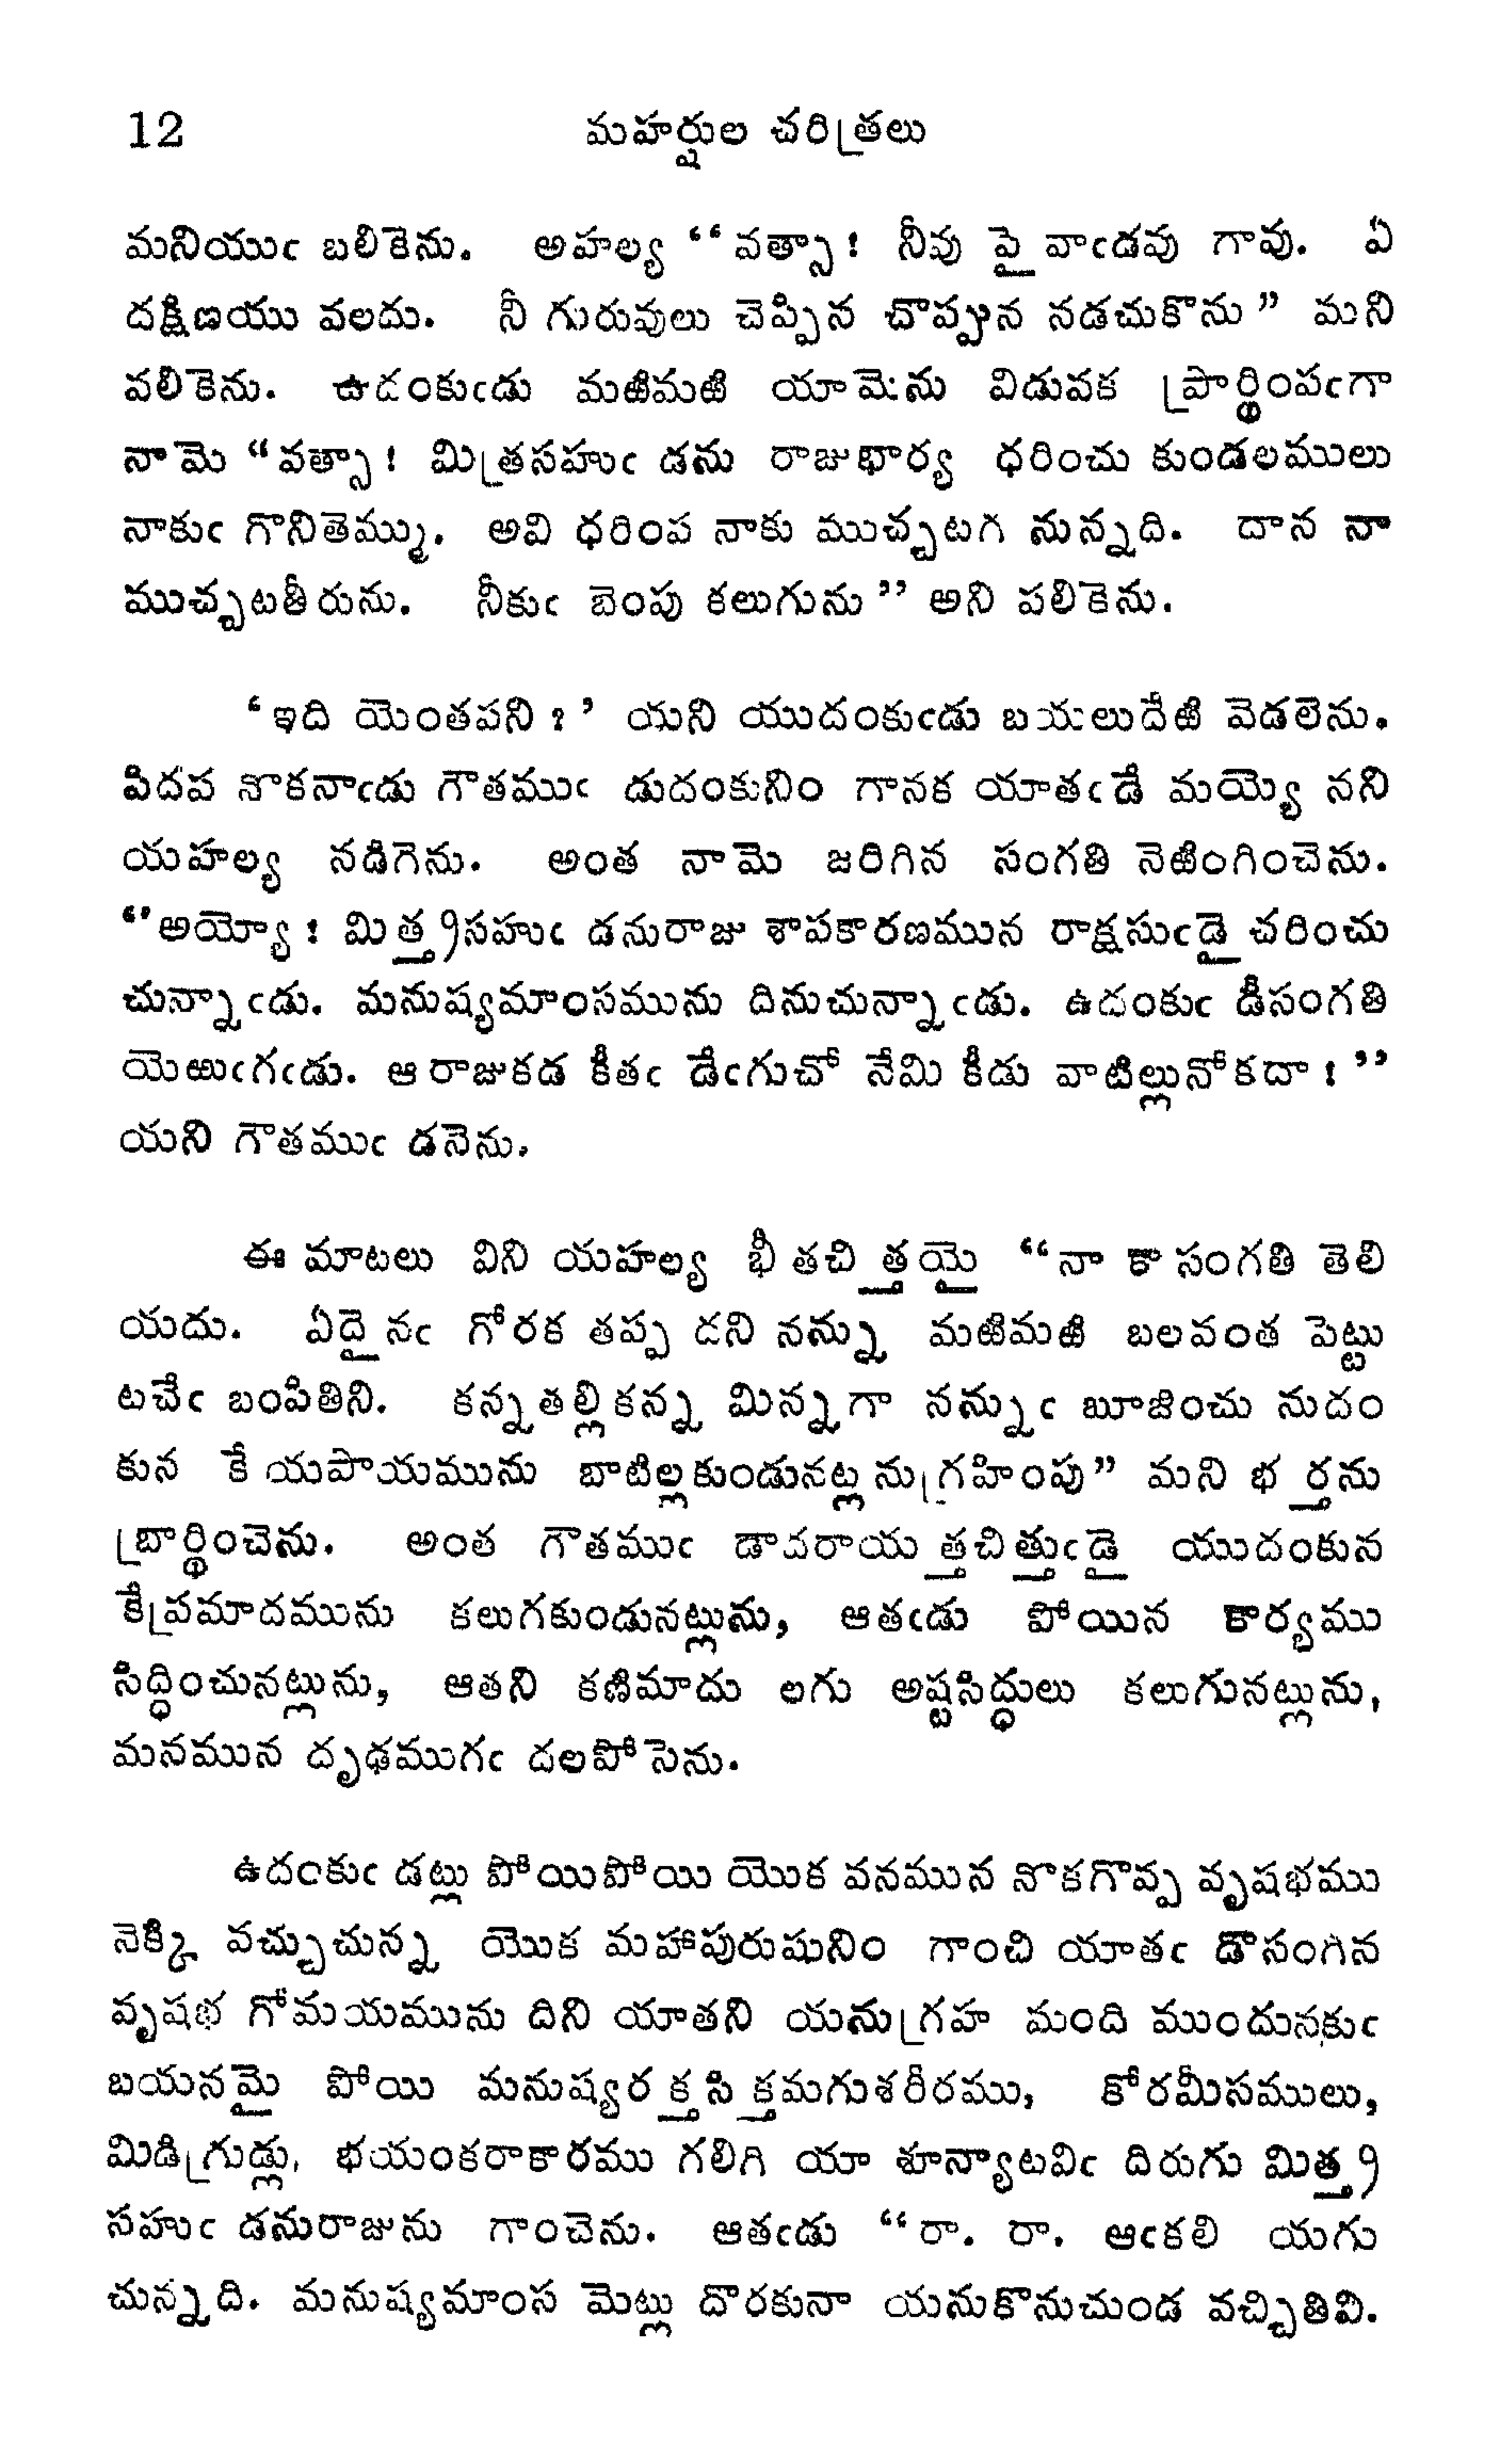మనియు బలికెను. అహల్య " వత్సా! నీవు పై వాడవు గావు. ఏ దక్షిణయు వలదు. నీ గురువులు చెప్పిన చొప్పున నడచుకొను " మని పలికెను. ఉదంకుడు మరిమరి యామెను విడువక ప్రార్థింపగా నామె " వత్సా! మిత్రసహు డను రాజుభార్య ధరించు కుండలములు నాకు గొనితెమ్ము. అవి ధరింప నాకు ముచ్చటగ నున్నది. దాన నా ముచ్చటతీరును. నీకు బెంపు కలుగును " అని పలికెను.

' ఇది యెంతపని ? ' యని యుదంకుడు బయలుదేరి వెడలెను. పిదప నొకనాడు గౌతము డుదంకునిం గానక యాతడే మయ్యె నని యహల్య నడిగెను. అంత నామె జరిగిన సంగతి నెరింగించెను. " అయ్యో ! మిత్త్రసహు డనురాజు శాపకారణమున రాక్షసుడై చరించు చున్నాడు. మనుష్యమాంసమును దినుచున్నాడు. ఉదంకు డీసంగతి యెరుగడు. ఆ రాజుకడ కీత డేగుచో నేమి కీడు వాటిల్లునోకదా ! " యని గౌతము డనెను.

ఈ మాటలు విని యహల్య భీతచిత్తయై " నా కా సంగతి తెలియదు. ఏదైన గోరక తప్ప దని నన్ను మరిమరి బలవంత పెట్టుటచే బంపితిని. కన్నతల్లికన్న మిన్నగా నన్ను బూజించు నుదంకున కేయపాయమును బాటిల్లకుండునట్ల నుగ్రహింపు " మని భర్తను బ్రార్థించెను. అంత గౌతము డాదరాయత్తచిత్తుడై యుదంకున కేప్రమాదమును కలుగకుండునట్లును, ఆతడు పోయిన కార్యము సిద్ధించునట్లును, ఆతని కణిమాదు లగు అష్టసిద్ధులు కలుగునట్లును, మనమున దృఢముగ దలపోసెను.

ఉదంకు డట్లు పోయిపోయి ఒక వనమున నొకగొప్ప వృషభము నెక్కి వచ్చుచున్న యొక మహాపురుషునిం గాంచి యాత డొసంగిన వృషభ గోమయమును దిని యాతని యనుగ్రహ మంది ముందునకు బయనమై పోయి మనుష్యరక్తసిక్తమగు శరీరము, కోరమీసములు, మిడిగ్రుడ్లు, భయంకరాకారము గలిగి యా శూన్యాటవి దిరుగు మిత్త్రసహు డనురాజును గాంచెను. ఆతడు " రా. రా. ఆకలి యగుచున్నది. మనుష్యమాంస మెట్లు దొరకునా యనుకొనుచుండ వచ్చితివి.